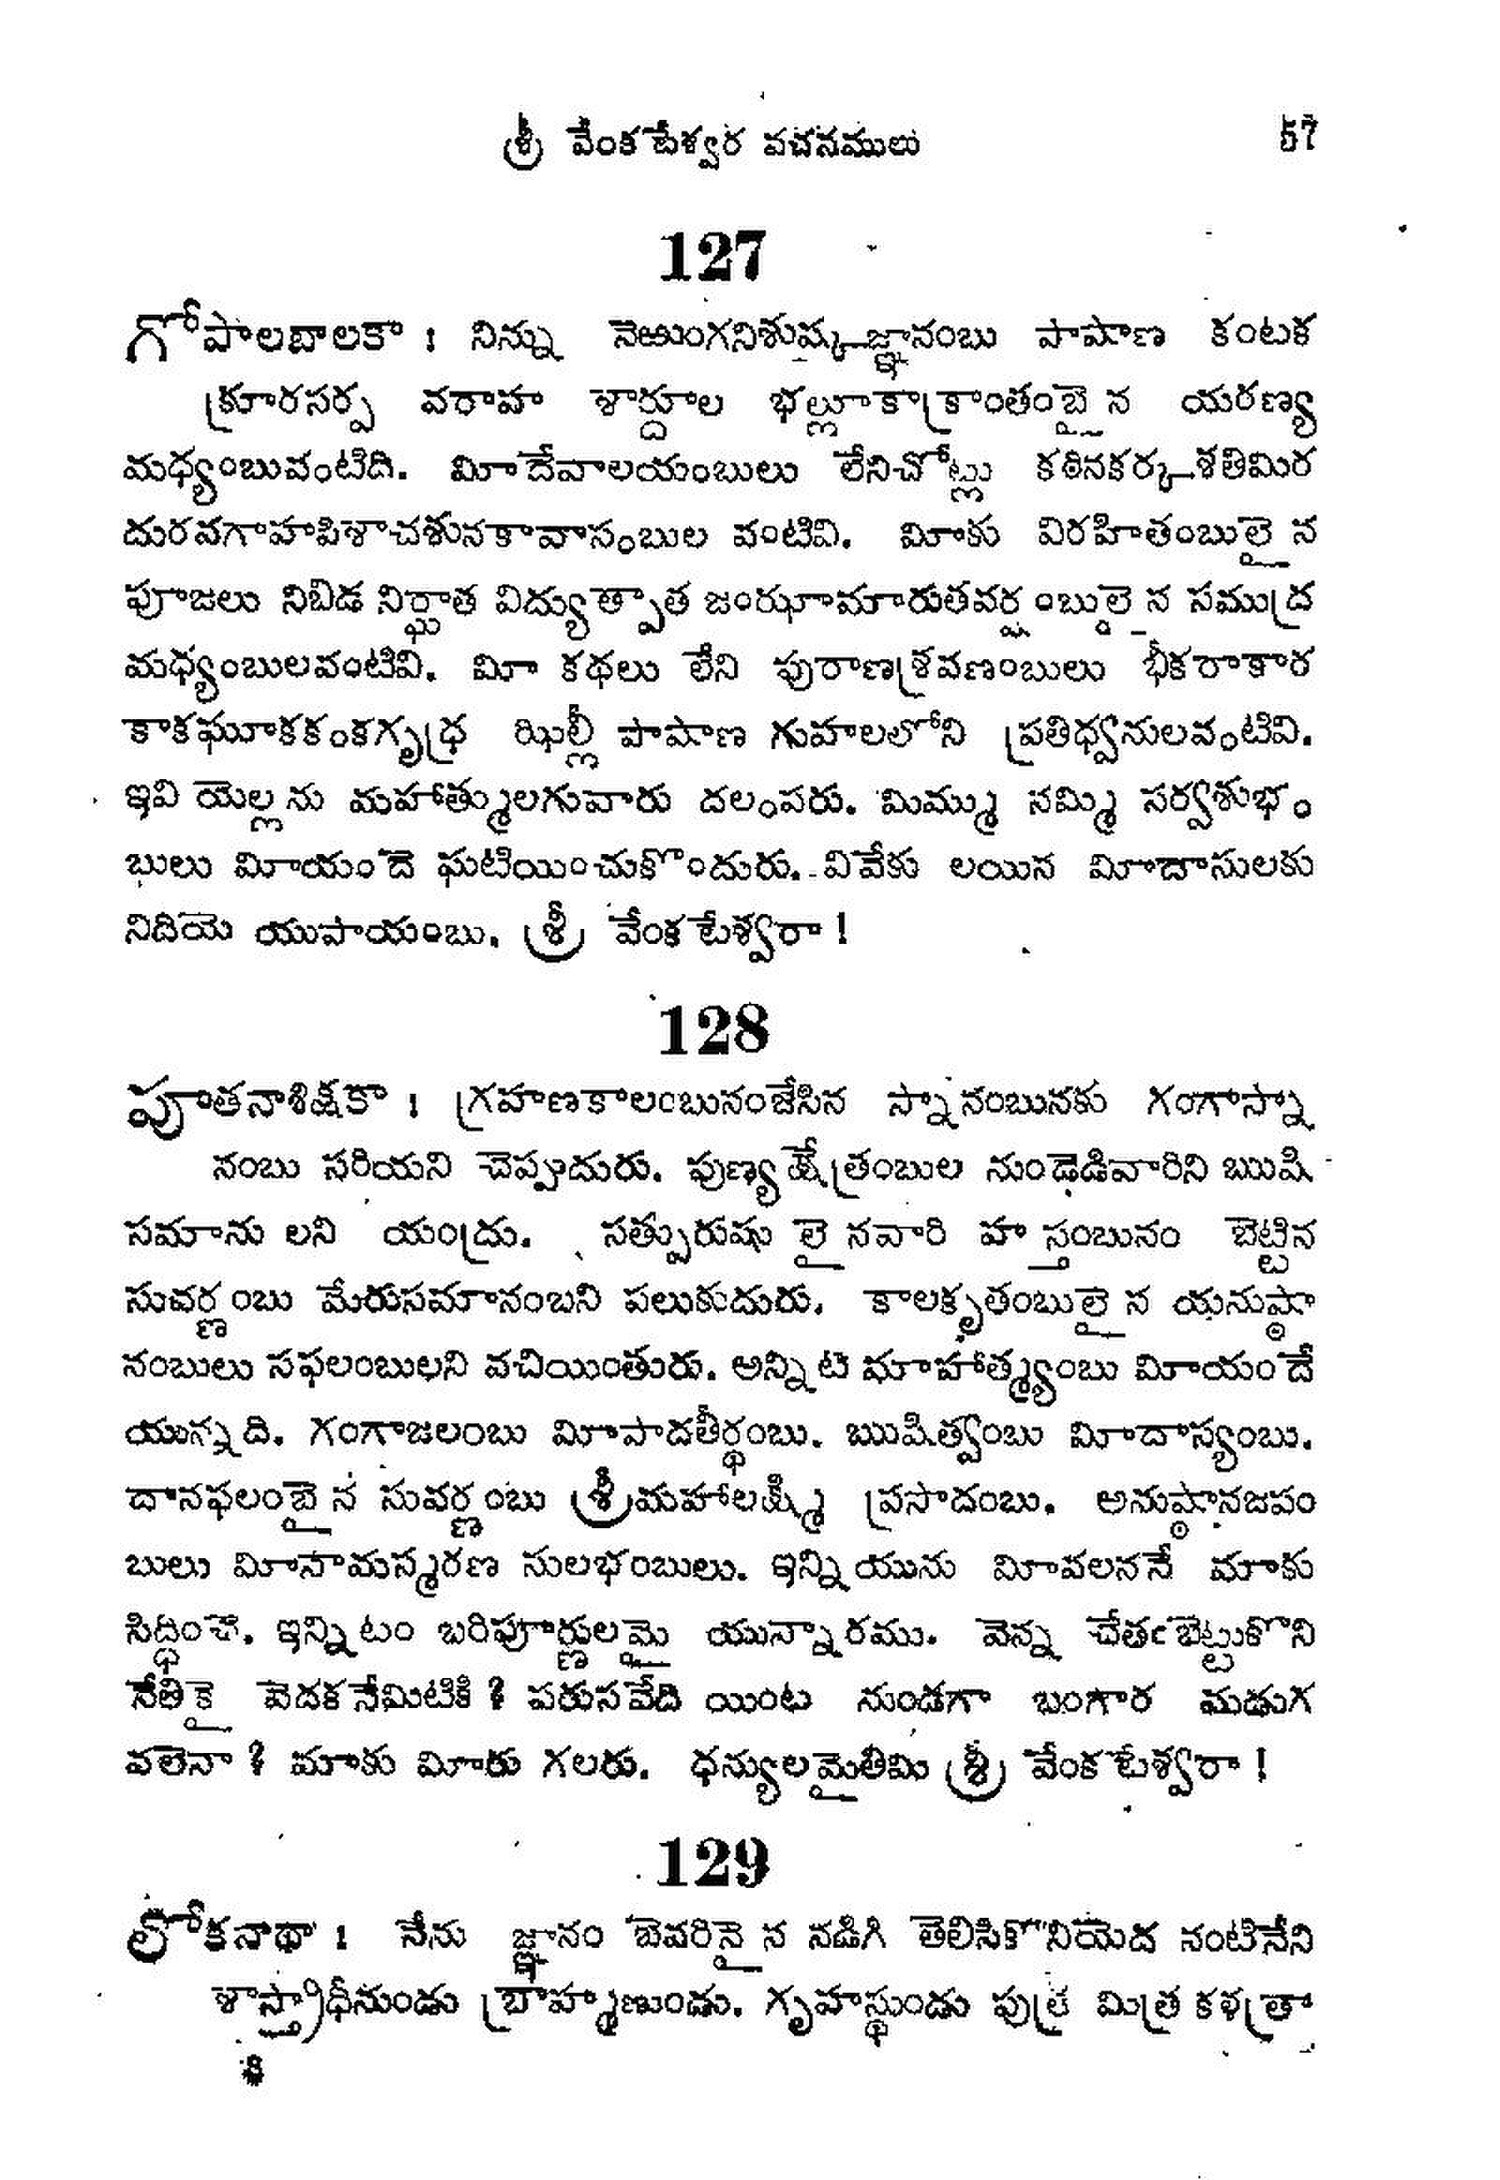127 

 ! నిన్ను నేఱుంగనిశుష్క జ్ఞానంబు పాషాణ కంటక క్రూరసర్ప వరాహ శార్దూల భల్లూకాక్రాంతంబైన యరణ్య మధ్యంబువంటిది. ఈ దేవాలయంబులు లేనిచోట్లు కఠిన కర్కశతిమిర దురవగాహపిశాచశునకావాసంబుల వంటివి. మీకు విరహితంబులైన పూజలు నిబిడ నిర్ఘాత విద్యుత్పాత జంఝామారుతవర్గంబులైన సముద్ర మధ్యంబులవంటివి. మీ కథలు లేని పురాణ శ్రవణంబులు భీకరాకార కాకమూకకంకగృద్ర ఝల్లీ పాషాణ గుహలలోని ప్రతిధ్వనులవంటివి. ఇవి యెల్ల ను మహాత్ములగువారు దలంపరు. 'మిమ్ము నమ్మి సర్వశుభం బులు మాయం దె ఘటియించుకొందురు. వివేకు లయిన మీదాసులకు నిదియె యుపాయంబు, శ్రీ వేంకటేశ్వరా ! 

128 

 ! గ్రహణకాలంబునంజేసిన స్నానంబునకు గంగాస్నా నంబు సరియని చెప్పుదురు. పుణ్య క్షేత్రంబుల నుండెడివారిని ఋషి సమాను లనీ యంద్రు. సత్పురుషు లైనవారి హస్తంబునం బెట్టిన సువర్ణంబు మేరుసమానంబని పలుకుదురు. కాలకృతంబులై న యనుష్టా నంబులు సఫలంబులని వచియింతురు. అన్నిటి మాహాత్మ్యంబు మీయం దే యున్నది. గంగాజలంబు మీపాదతీర్థంబు. ఋషిత్వంబు మిదాస్యంబు. దానఫలంబైన సువర్ణంబు శ్రీమహాలక్ష్మి ప్రసాదంబు, అనుష్టానజపం బులు మీనామస్మరణ సులభంబులు. ఇన్ని యును మీవలననే మాకు సిద్దించె. ఇన్ని టం బరిపూర్ణులమై యున్నారము. వెన్న చేతఁ బెట్టుకొని నేతి కై వెదక నేమిటికి ? పరుసవేది యింట నుండగా బంగార మడుగ వలెనా ? మాకు మీరు గలరు. ధన్యులమైతిమి శ్రీ వేంకటేశ్వరా !

129 

 ! నేను జ్ఞానం “బెవరినై న నడిగి తెలిసికొనియెద నంటినేని
శాస్త్రాధీనుండు బ్రాహ్మణుండు. గృహస్థుండు పుత్ర మిత్ర కళత్రా